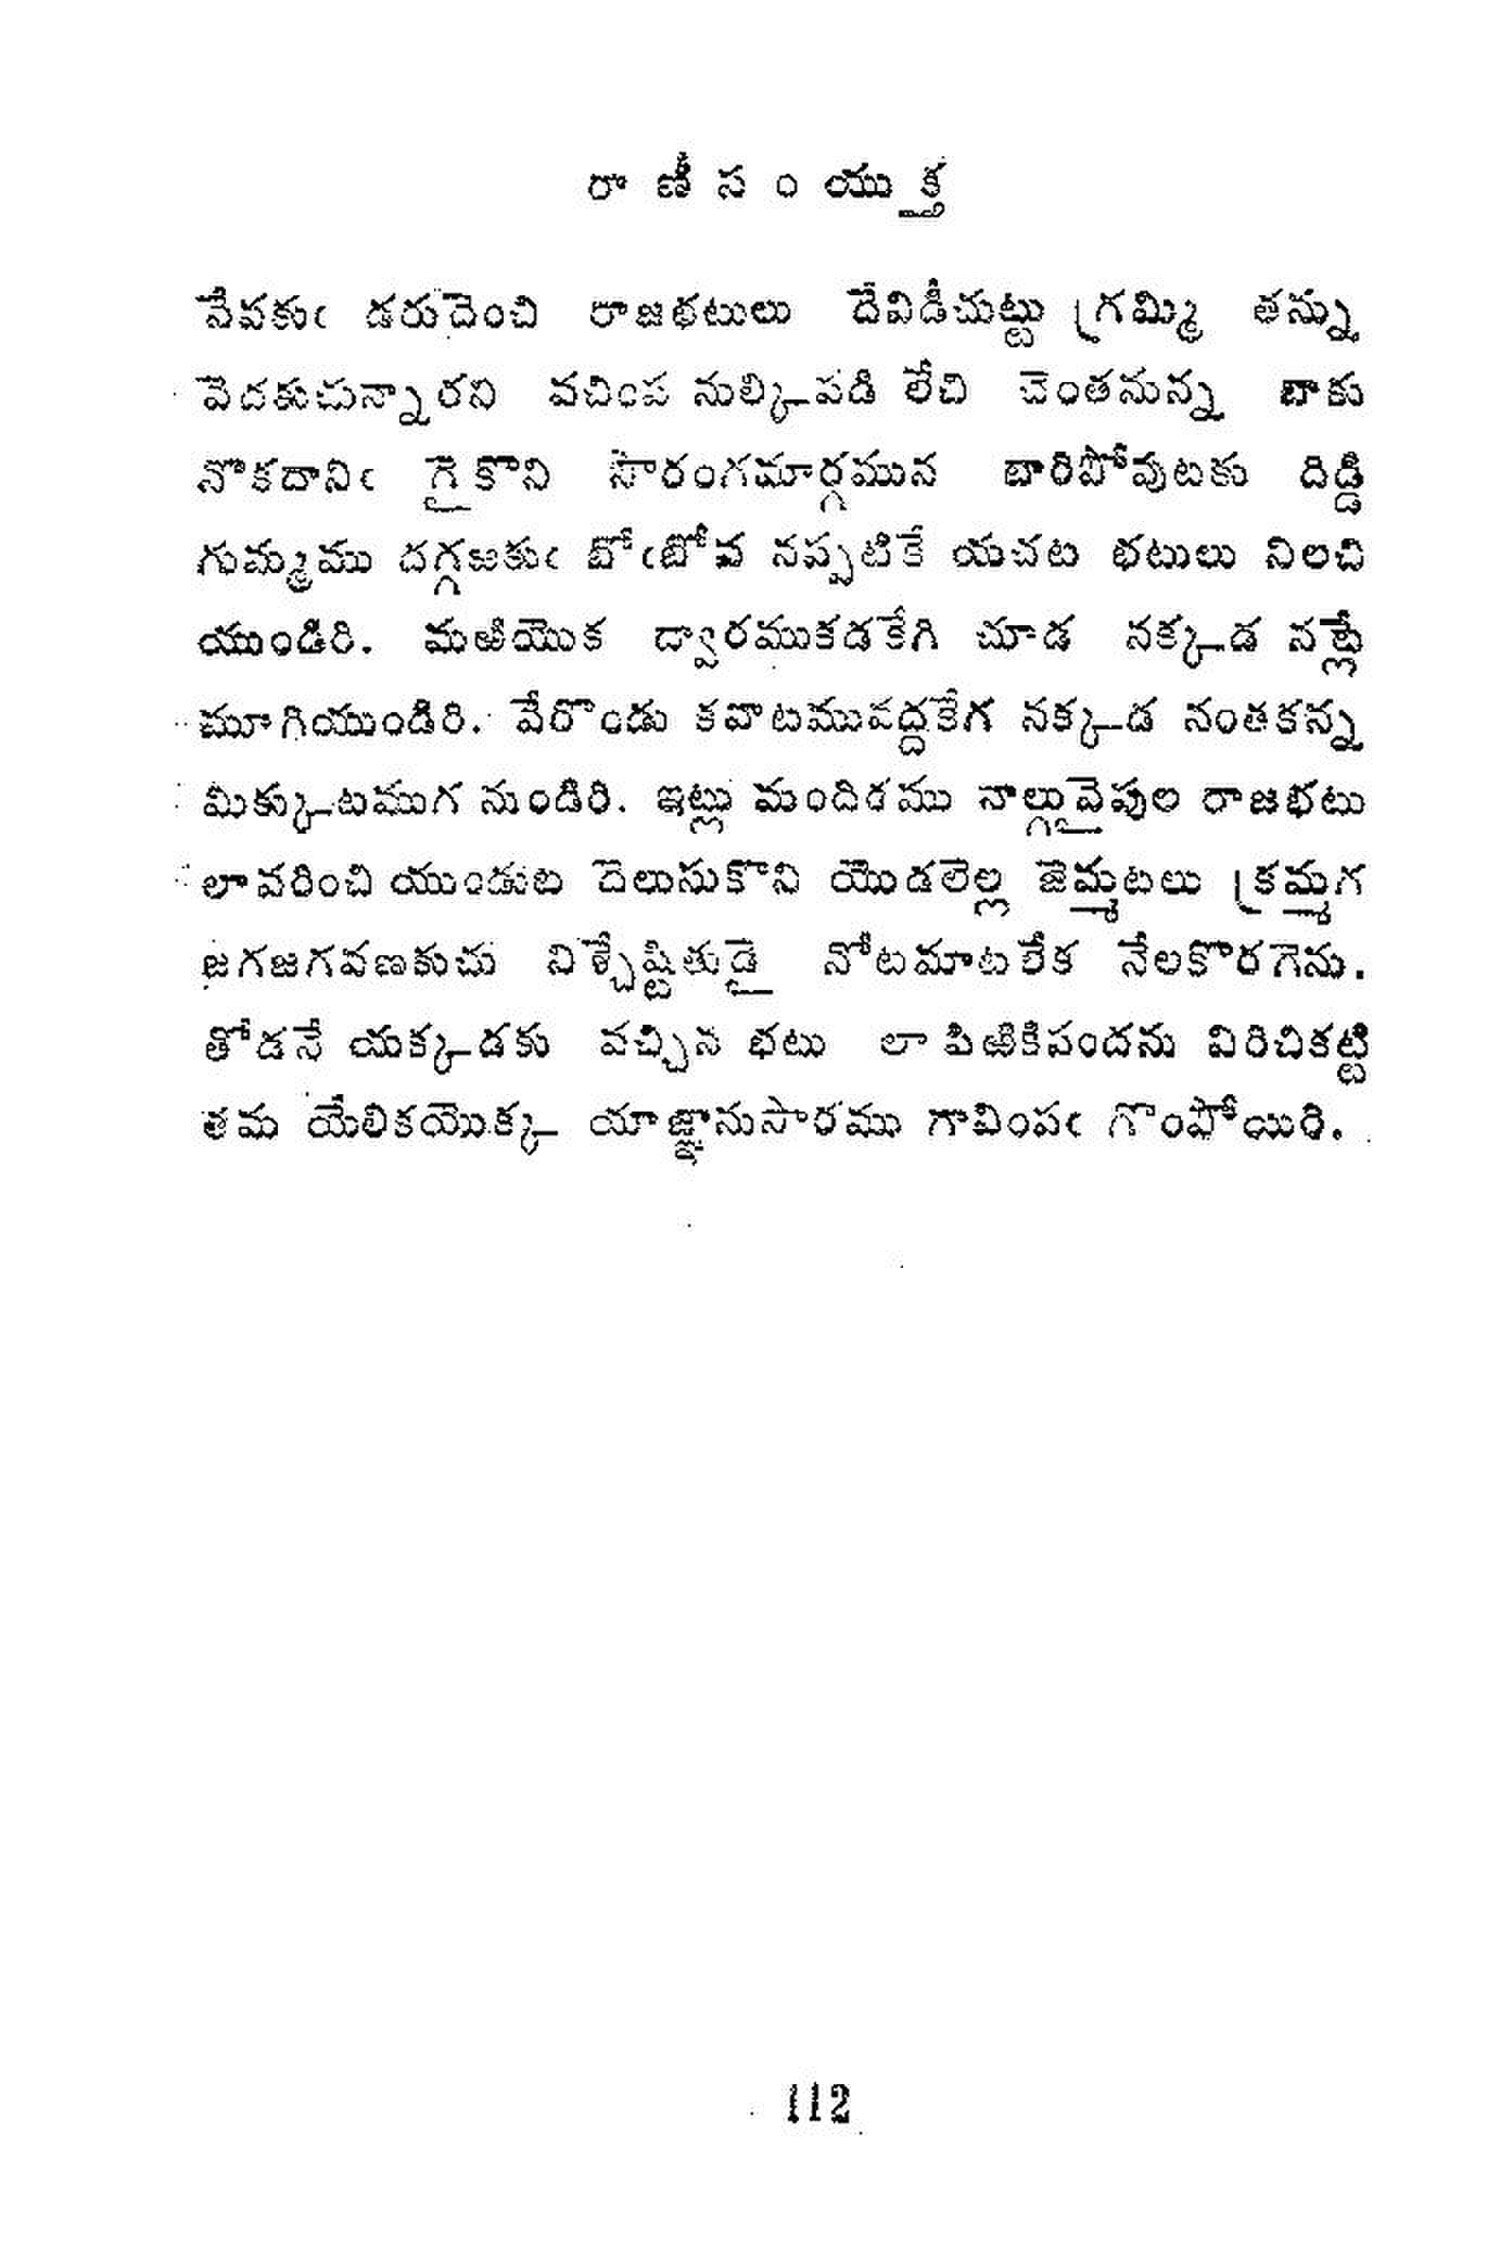సేపకుఁ డరుదెంచి రాజభటులు దేవిడీచుట్టు గ్రమ్మి తన్ను వెదకుచున్నారని వచింప నుల్కిపడి లేచి చెంతనున్న బాకు నొకదానిఁ గైకొని సొరంగమార్గమున బారిపోవుటకు దొడ్డి గుమ్మము దగ్గఱకుఁ బోఁబోవవ నప్పటికే యచట భటులు నిలచి యుండిరి. మఱియొక ద్వారముకడకేగి చూడ నక్కడ నట్లే మూగియుండిరి. వేరొండు కవాటమువద్దకేగ నక్కడ నంతకన్న మిక్కుటముగ నుండిరి. ఇట్లు మందిరము నాల్గువైపుల రాజభటు లావరించి యుండుట దెలుసుకొని యొడలెల్ల జెమ్మటలు క్రమ్మగ జగజగవణకుచు నిశ్చేష్టితుడై నోటమాటలేక నేలకొరగెను . తోడనే యక్కడకు వచ్చిన భటు లా పిఱికిపందను విరిచికట్టి తమ యేలికయొక్క యాజ్ఞానుసారము గావింపఁ గొంపోయిరి.